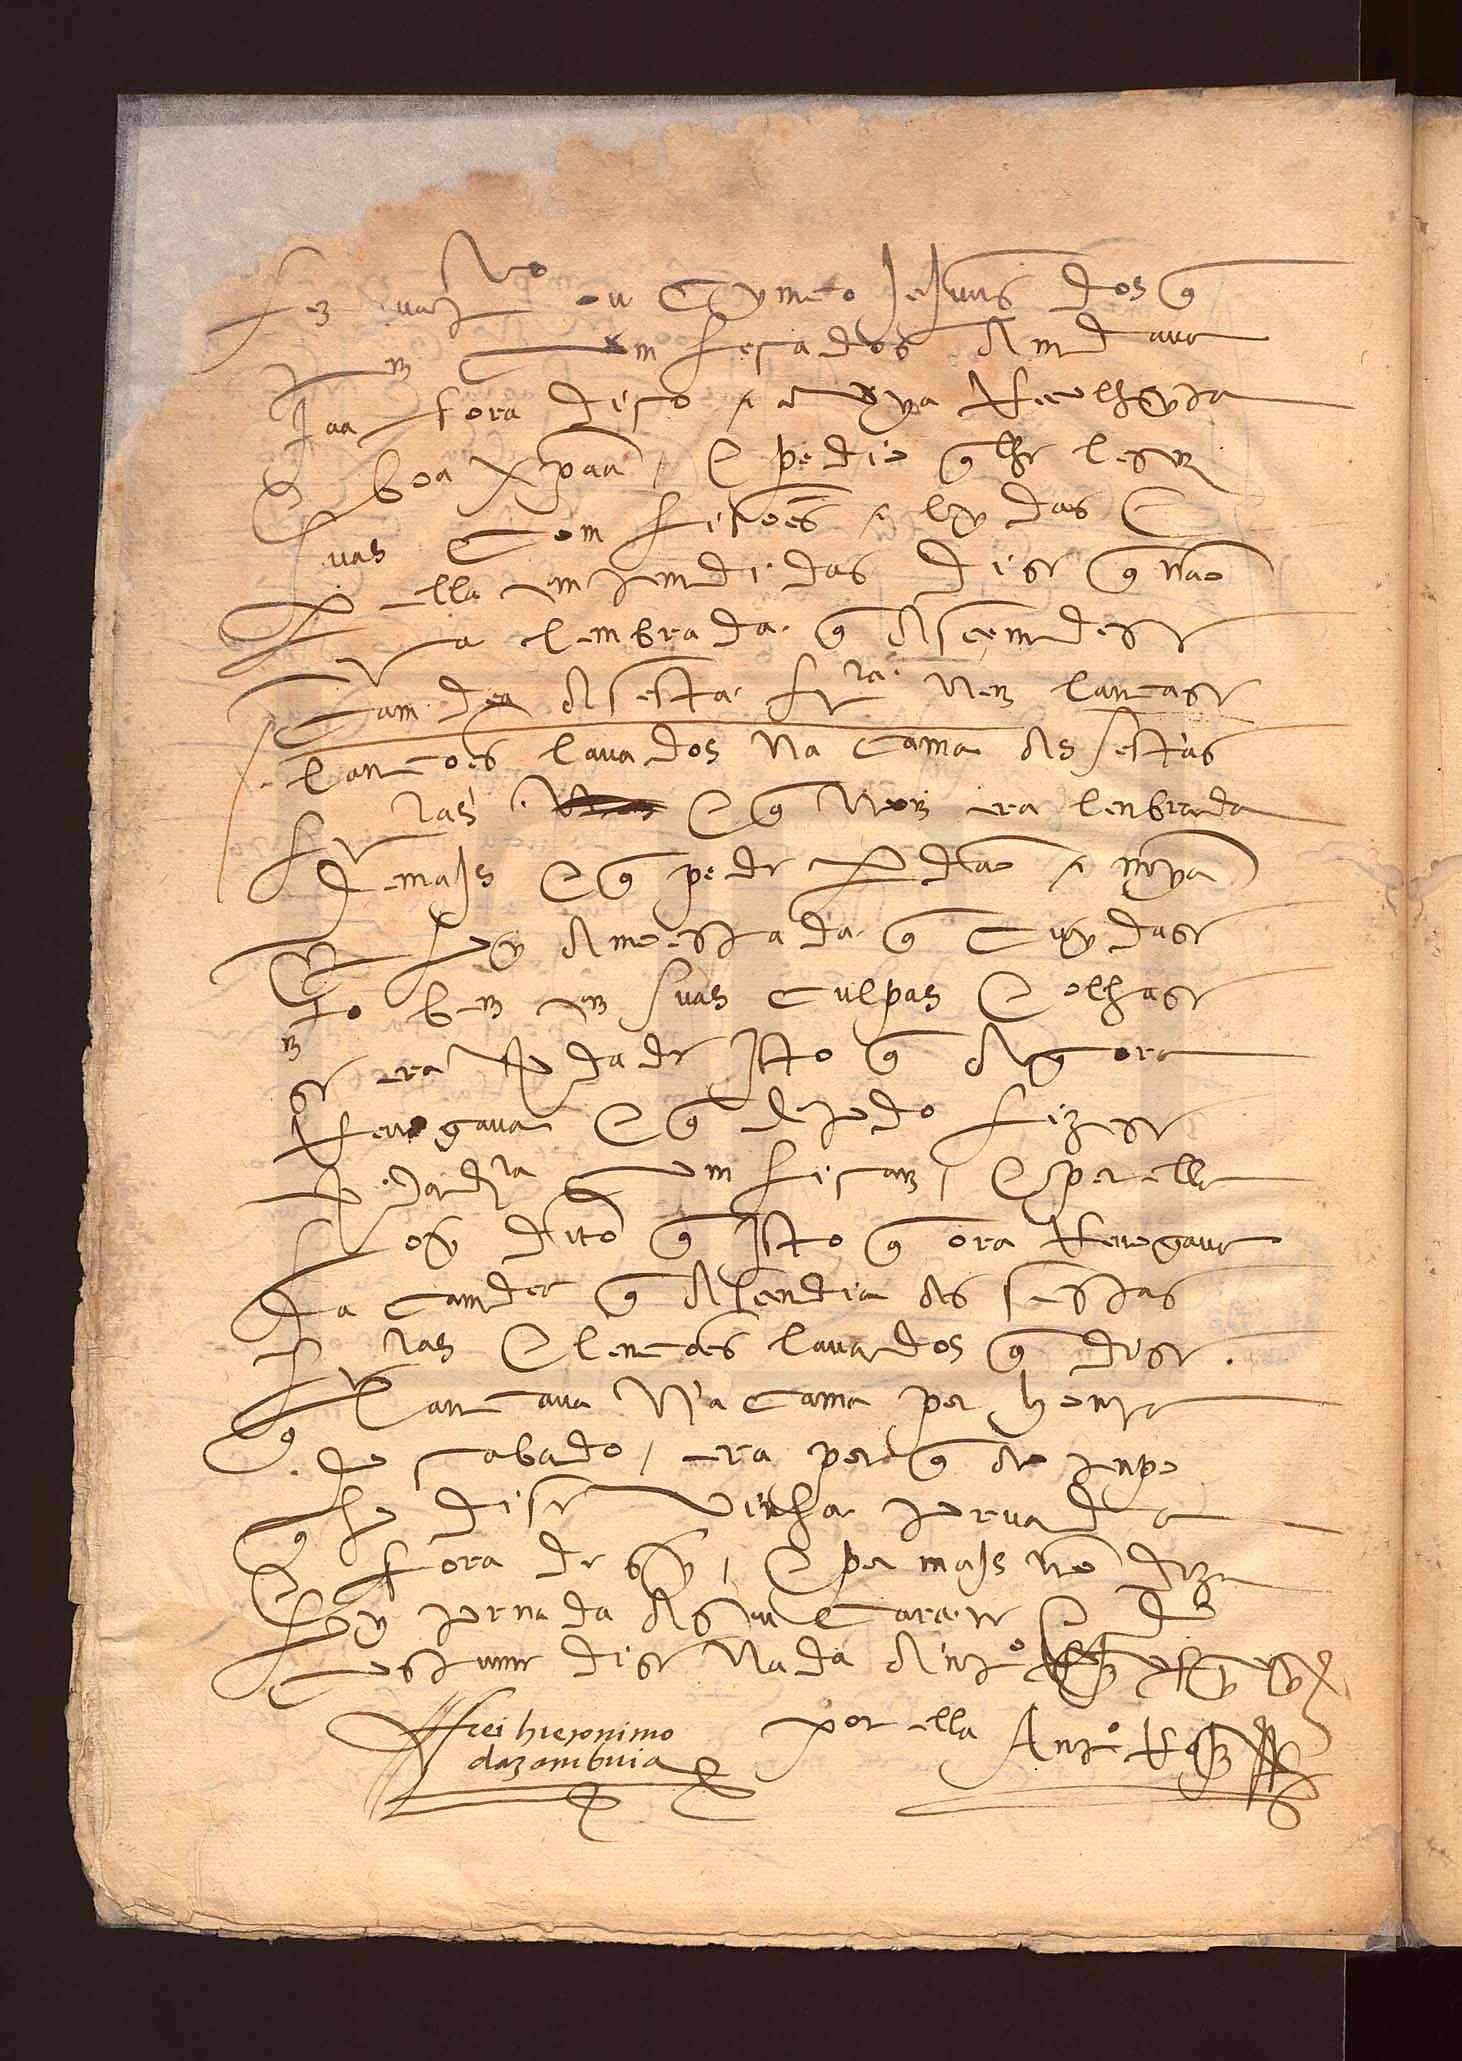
fez _uatro ou cymco JeJūus dos q̄
tem Comfesados Amdaua
Jaa fora diso e aꝟya Recolheyta
e boa Xp̄aa / e pedio q̄ lhe lesem
suas Comfesões e lydas e
ꝑ ella emtemdidas dise q̄ não
era lembrada q̄ Ascemdese
camdea A sesta frra nem lancase
lançoes lauados na cama As sestas
frras _ e q̄ nom era lembrada
de maJs e q̅ pede ꝑdão e mȳa
e foy Amoestada q̄ cuydase
mto bem em Suas culpas e olhase
se era ꝟdade Jsto q̄ Agora
Reuogaua e q̄ de todo fizese
ꝟdadra Comfisam / e por ella
foy dīto q̅ Jsto q̅ ora Reuogaua
da Camdea q̄ Ascendia As Sestas
frras e lençoēs lauados q̄ dise
q̄ laucaua Na cama por honra
do sabado / era porq̄ Ao tenpo
q̅ ho dise vinha toruada
e fora de sy / E por majs nō dize
foy tornada A seu carçere E do
Costume dise Nada Anto Rj̄z o sp̄vy
frei hieronimo
por ella Anto Roj̄z
dazambuia
